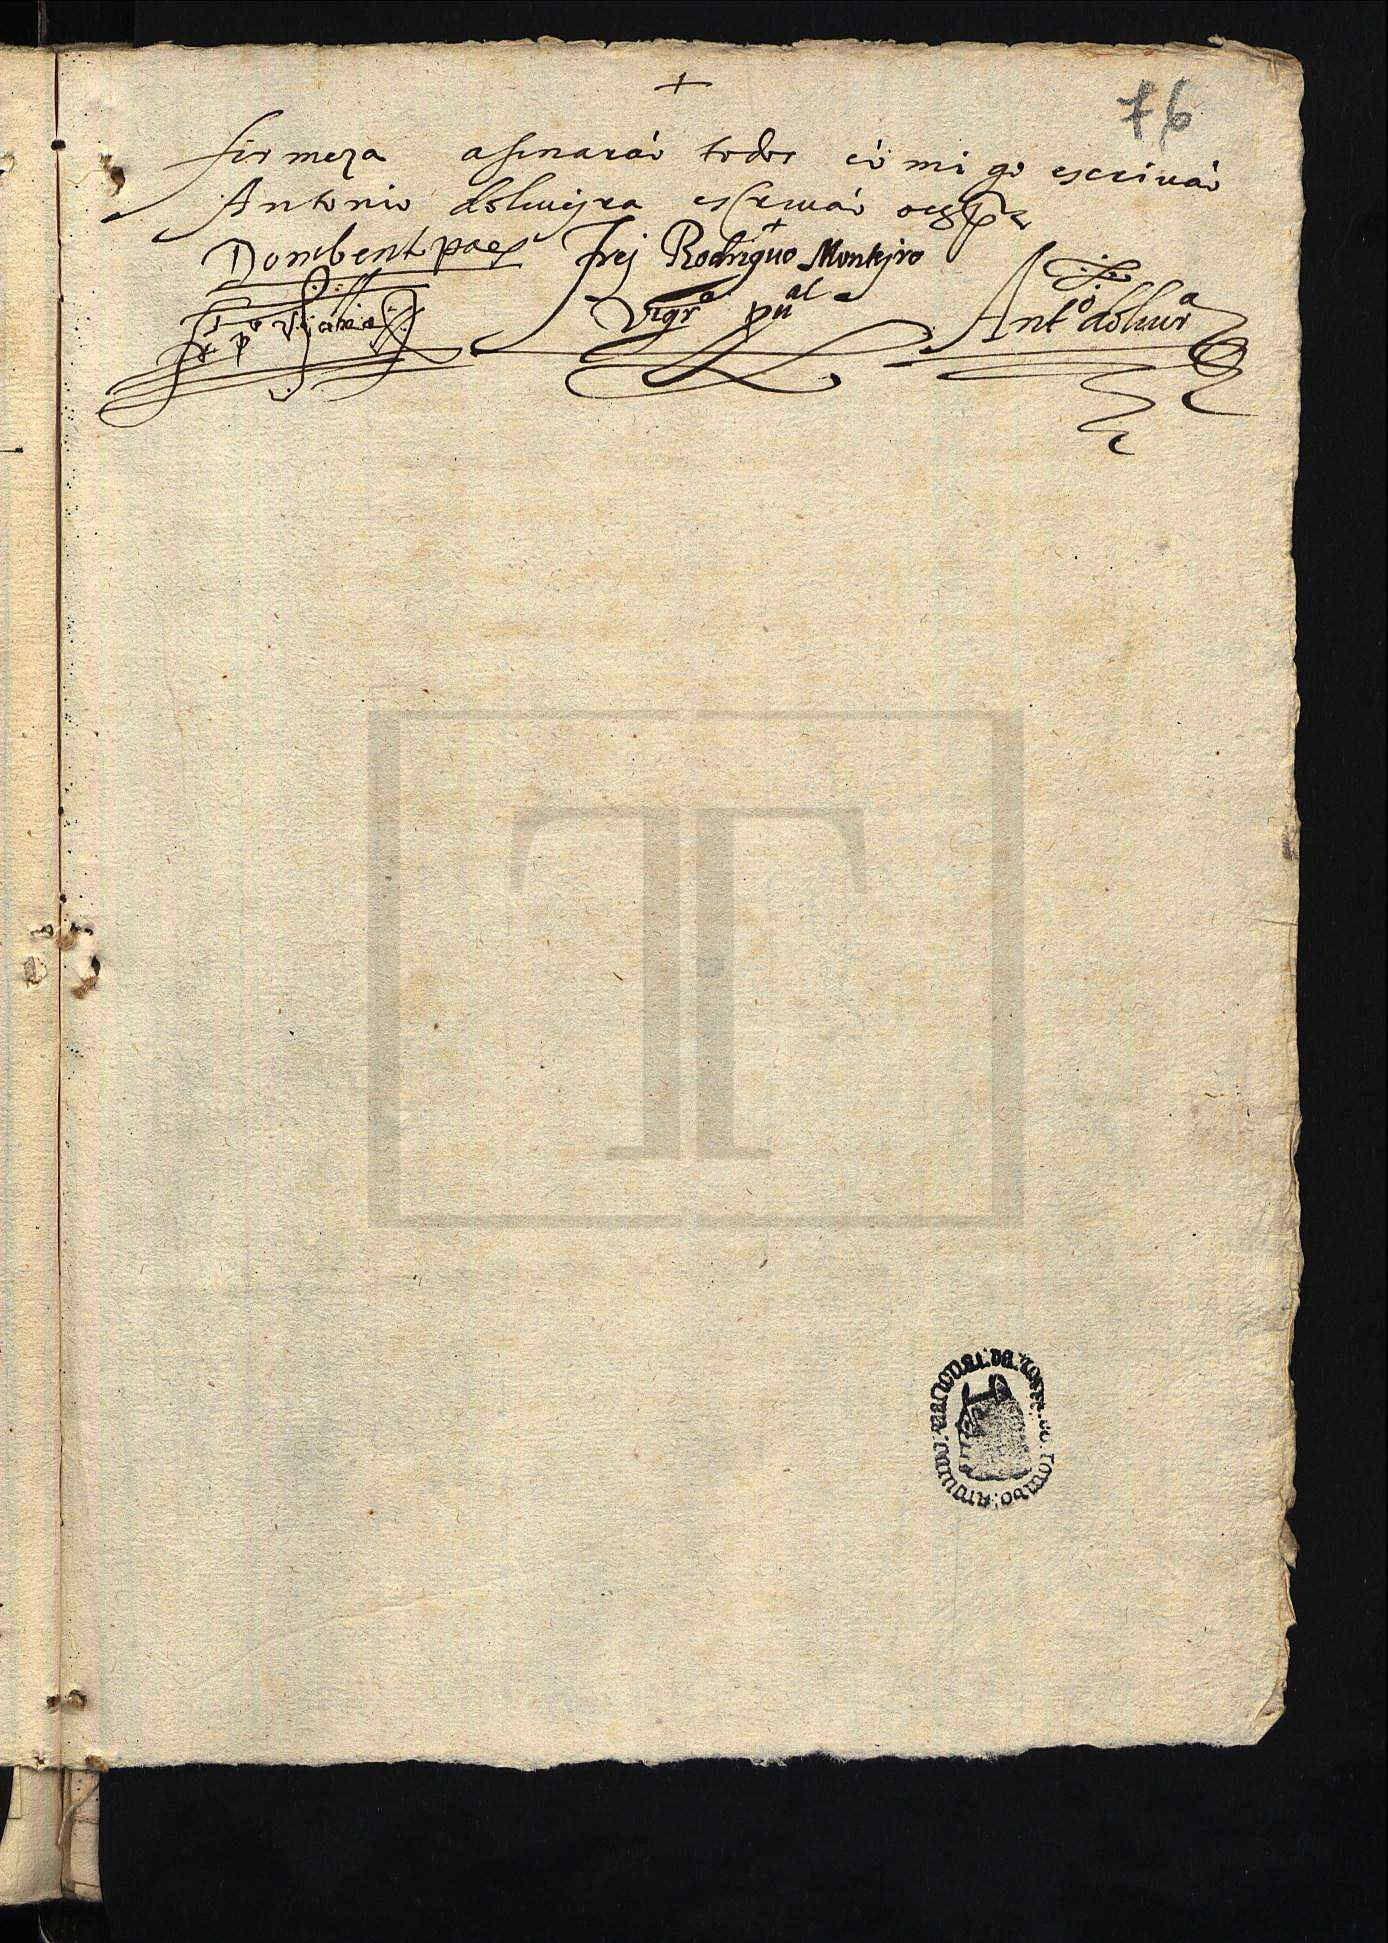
firmeza asinaraõ todos cōmigo escriuaõ
Antonio doliuejra esCriuaõ o esp̄vi
